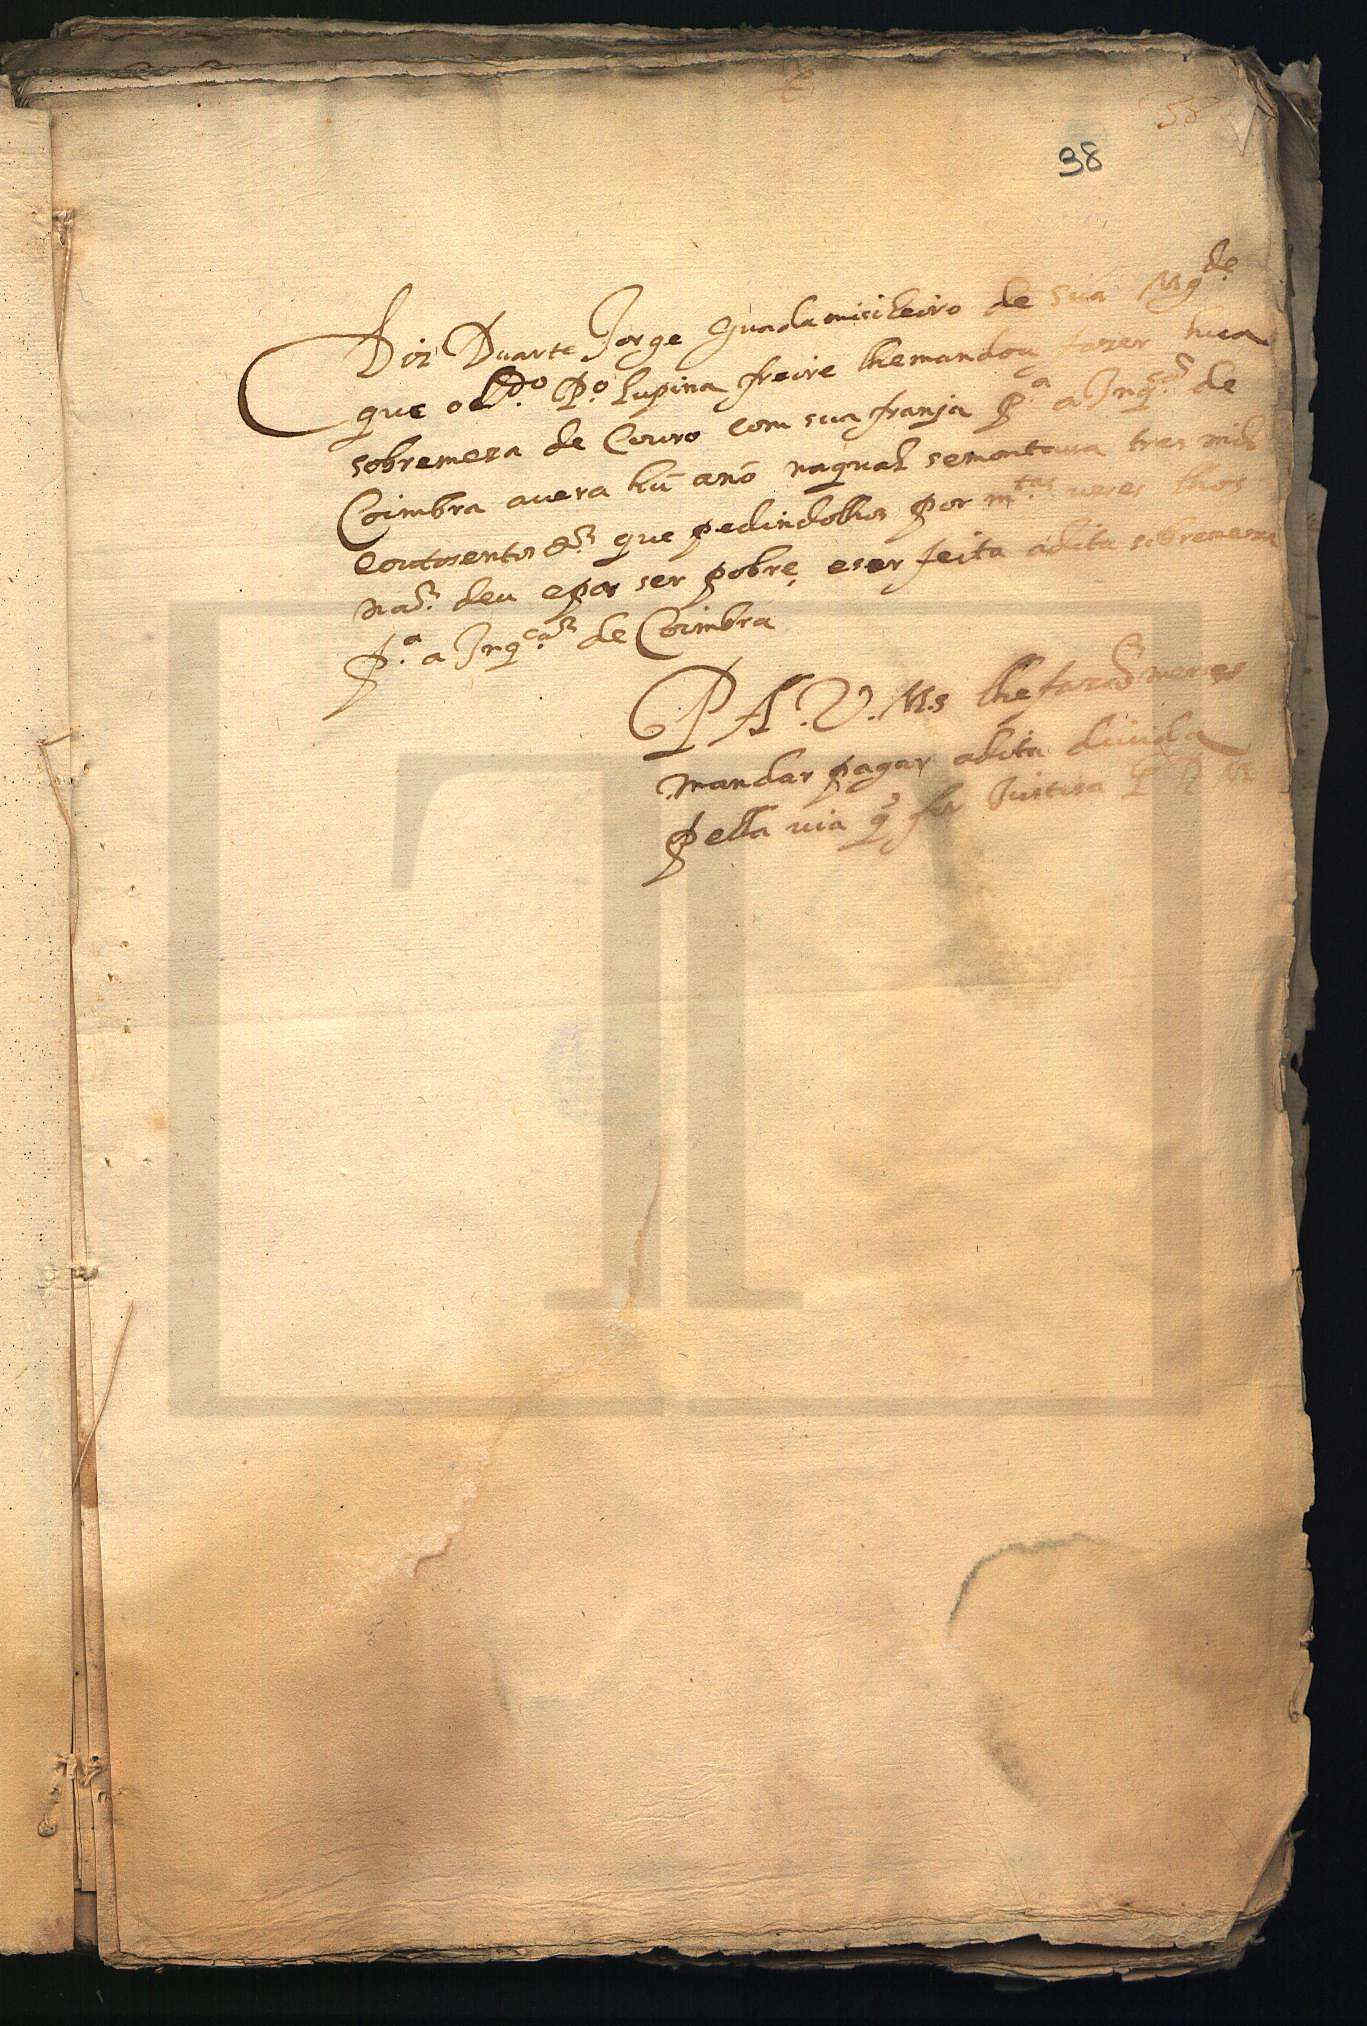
Diz Duarte Jorge guadamicileiro de sua Mg.de
que o L.do P.o lupina freire lhe mandou fazer hua
sobremeza de Couro com sua franja p.a a Inq.çaõ de
Coimbra auera hū anō na qual se montaua tres mil
e outosentos r.s que pedindolhos por m.tas ueses lhos
naõ deu e por ser pobre, e ser feita a dita sobremeza
p.a a Inq.çā de Coimbra
P A .V. M.s lhe faraõ merces
mandar pagar a dita diuida
pella uia q̄ for justisa E R M
